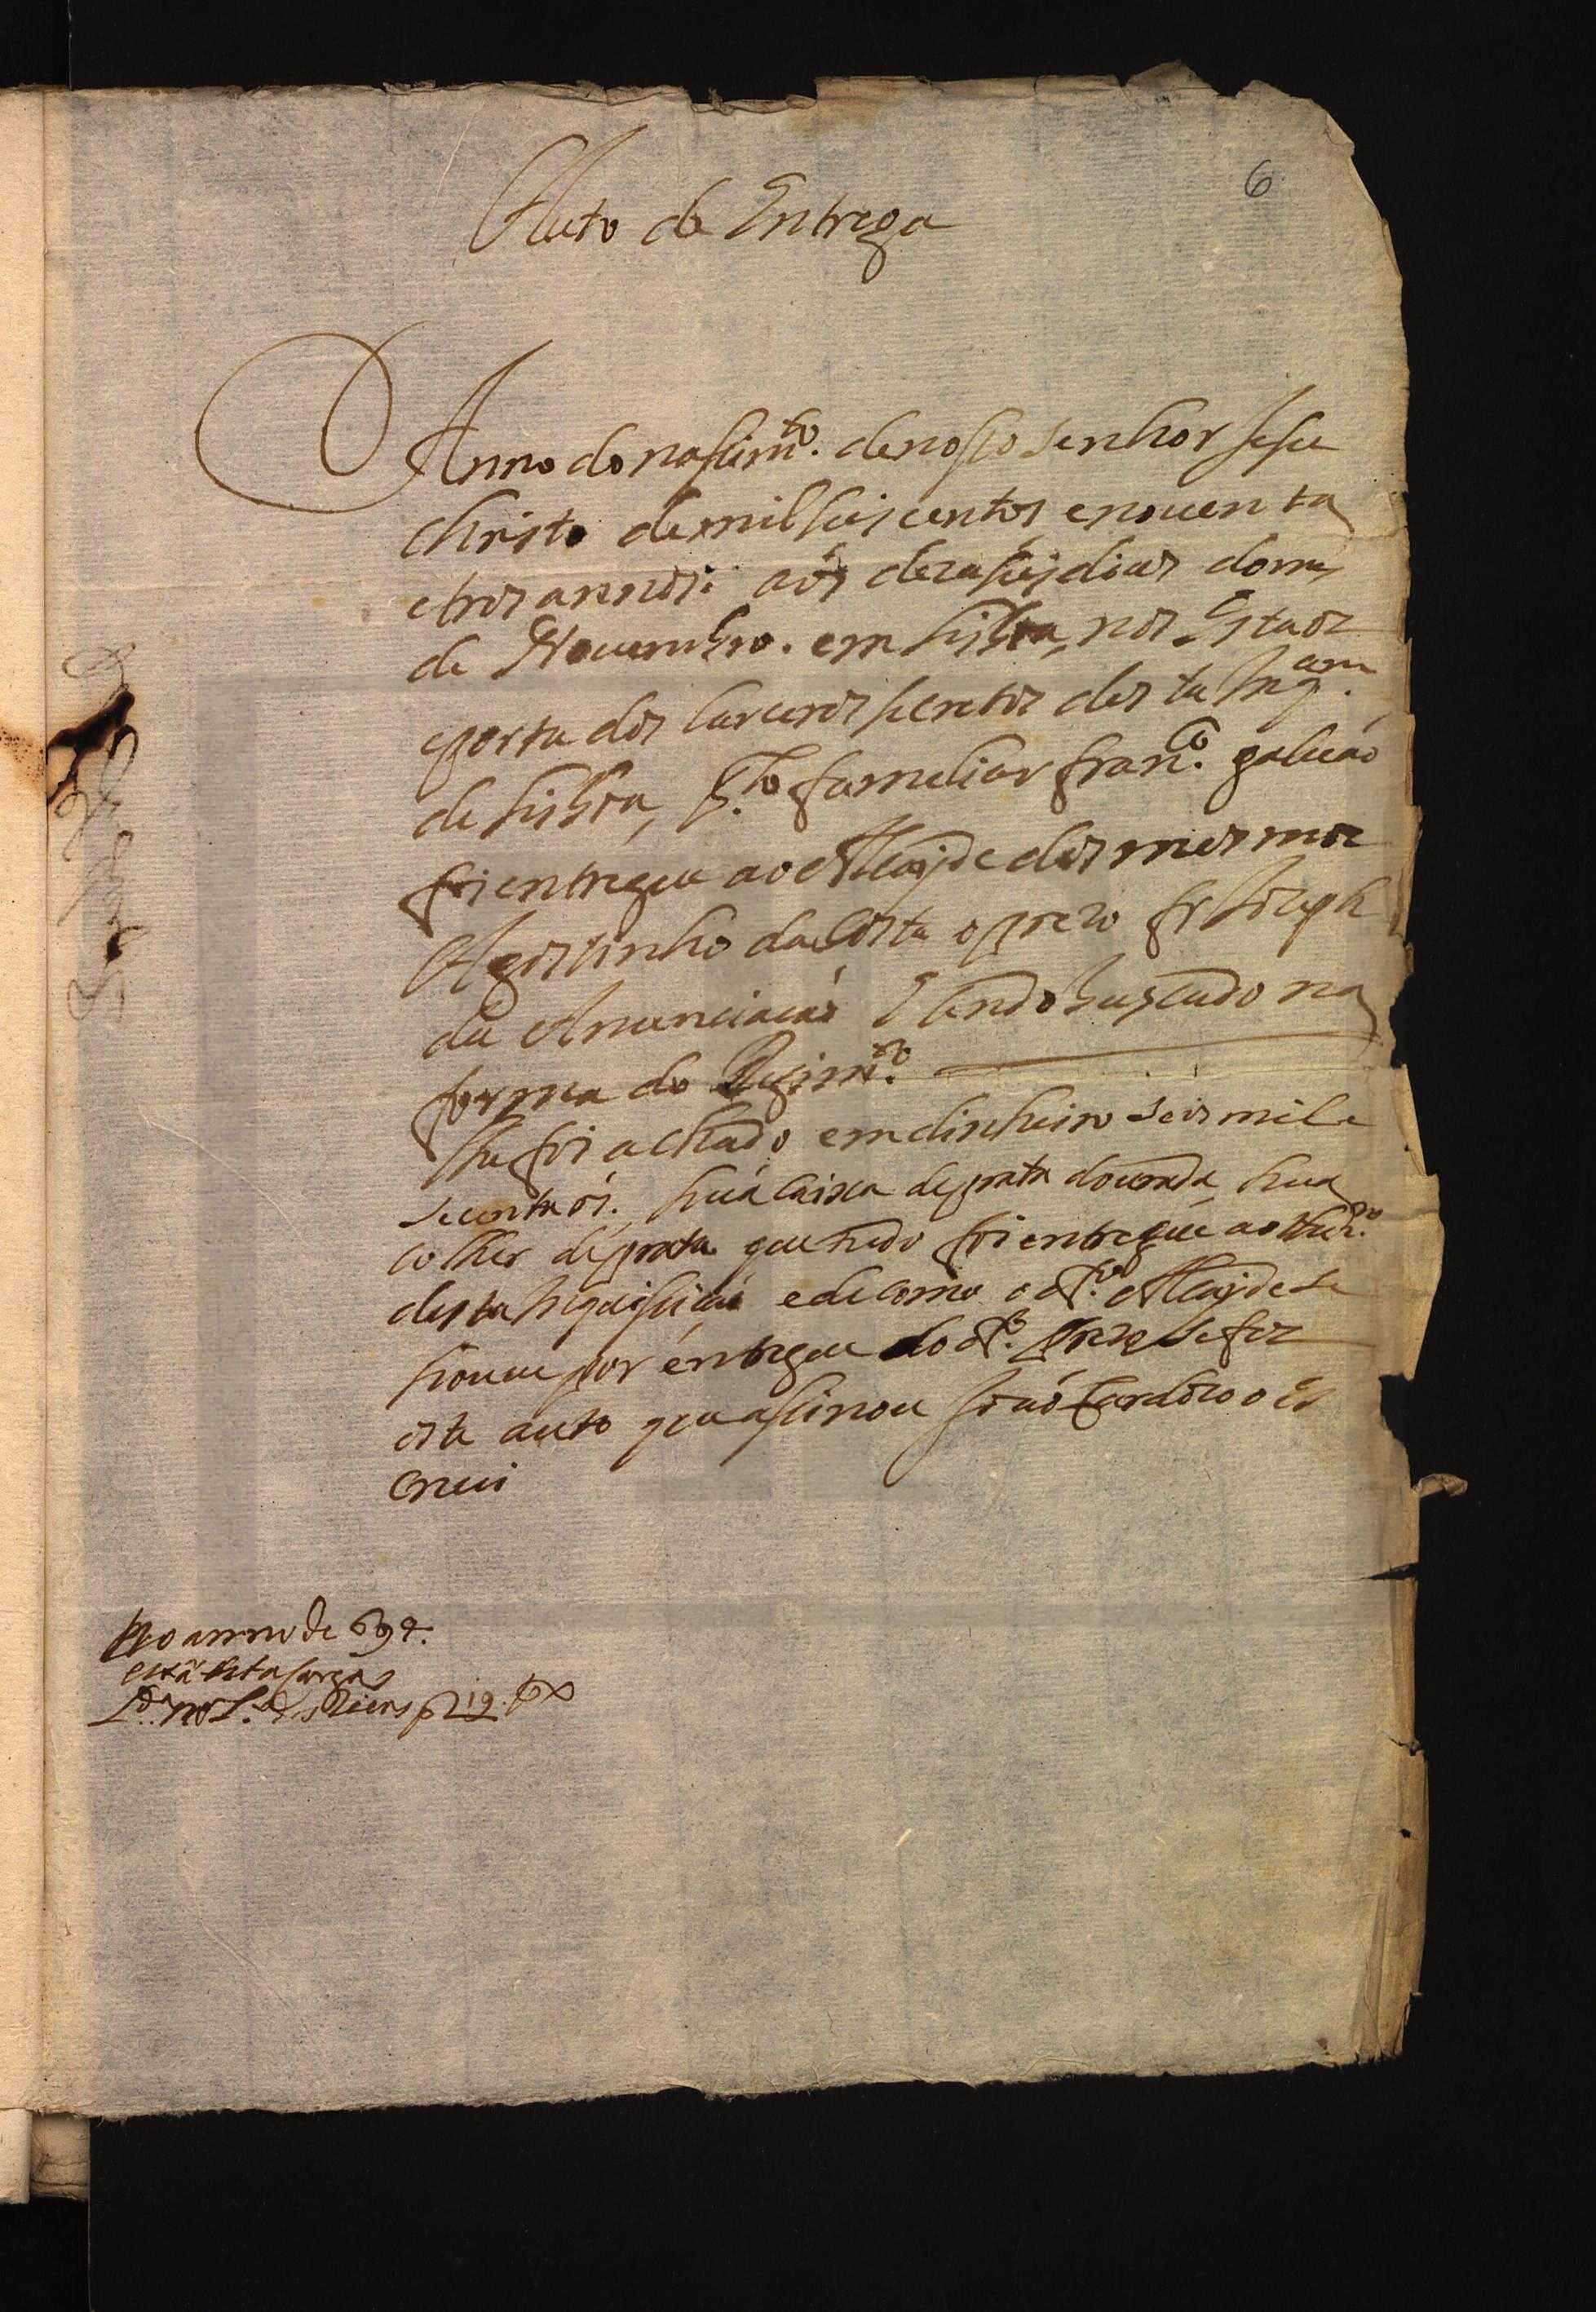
Auto de Entrega
Anno do nascimto. de nosso senhor Jesu
christo de mil seiscentos e nouenta
e tres annos. aos dezaseis dias do mes
de Nouembro. em Lisboa, nos Estaos
e porta dos Carceres secretos desta Inq.çam
de Lisboa, p.lo familiar fran.co galuaõ
foi entregue ao Alcayde dos mesmos
Agostinho da Costa o prezo fr Iozeph
da Anunciaçaõ, E sendo buscado na
forma do Regim.to
lhe foi achado em dinheiro seis mil e
secenta rs̄., huā caixa de prata dourada, hua
colher de prata que tudo foi entregue ao thez.ro
desta Inquissiçaõ e de como o d.o Alcayde se
houue por entregue do d.o prezo se fez
este auto que assinou Joaõ Cardozo o Es
creui
No anno de 694.
esta dita Carga
L.da no L.o dos Ricos fl i9. Vso
